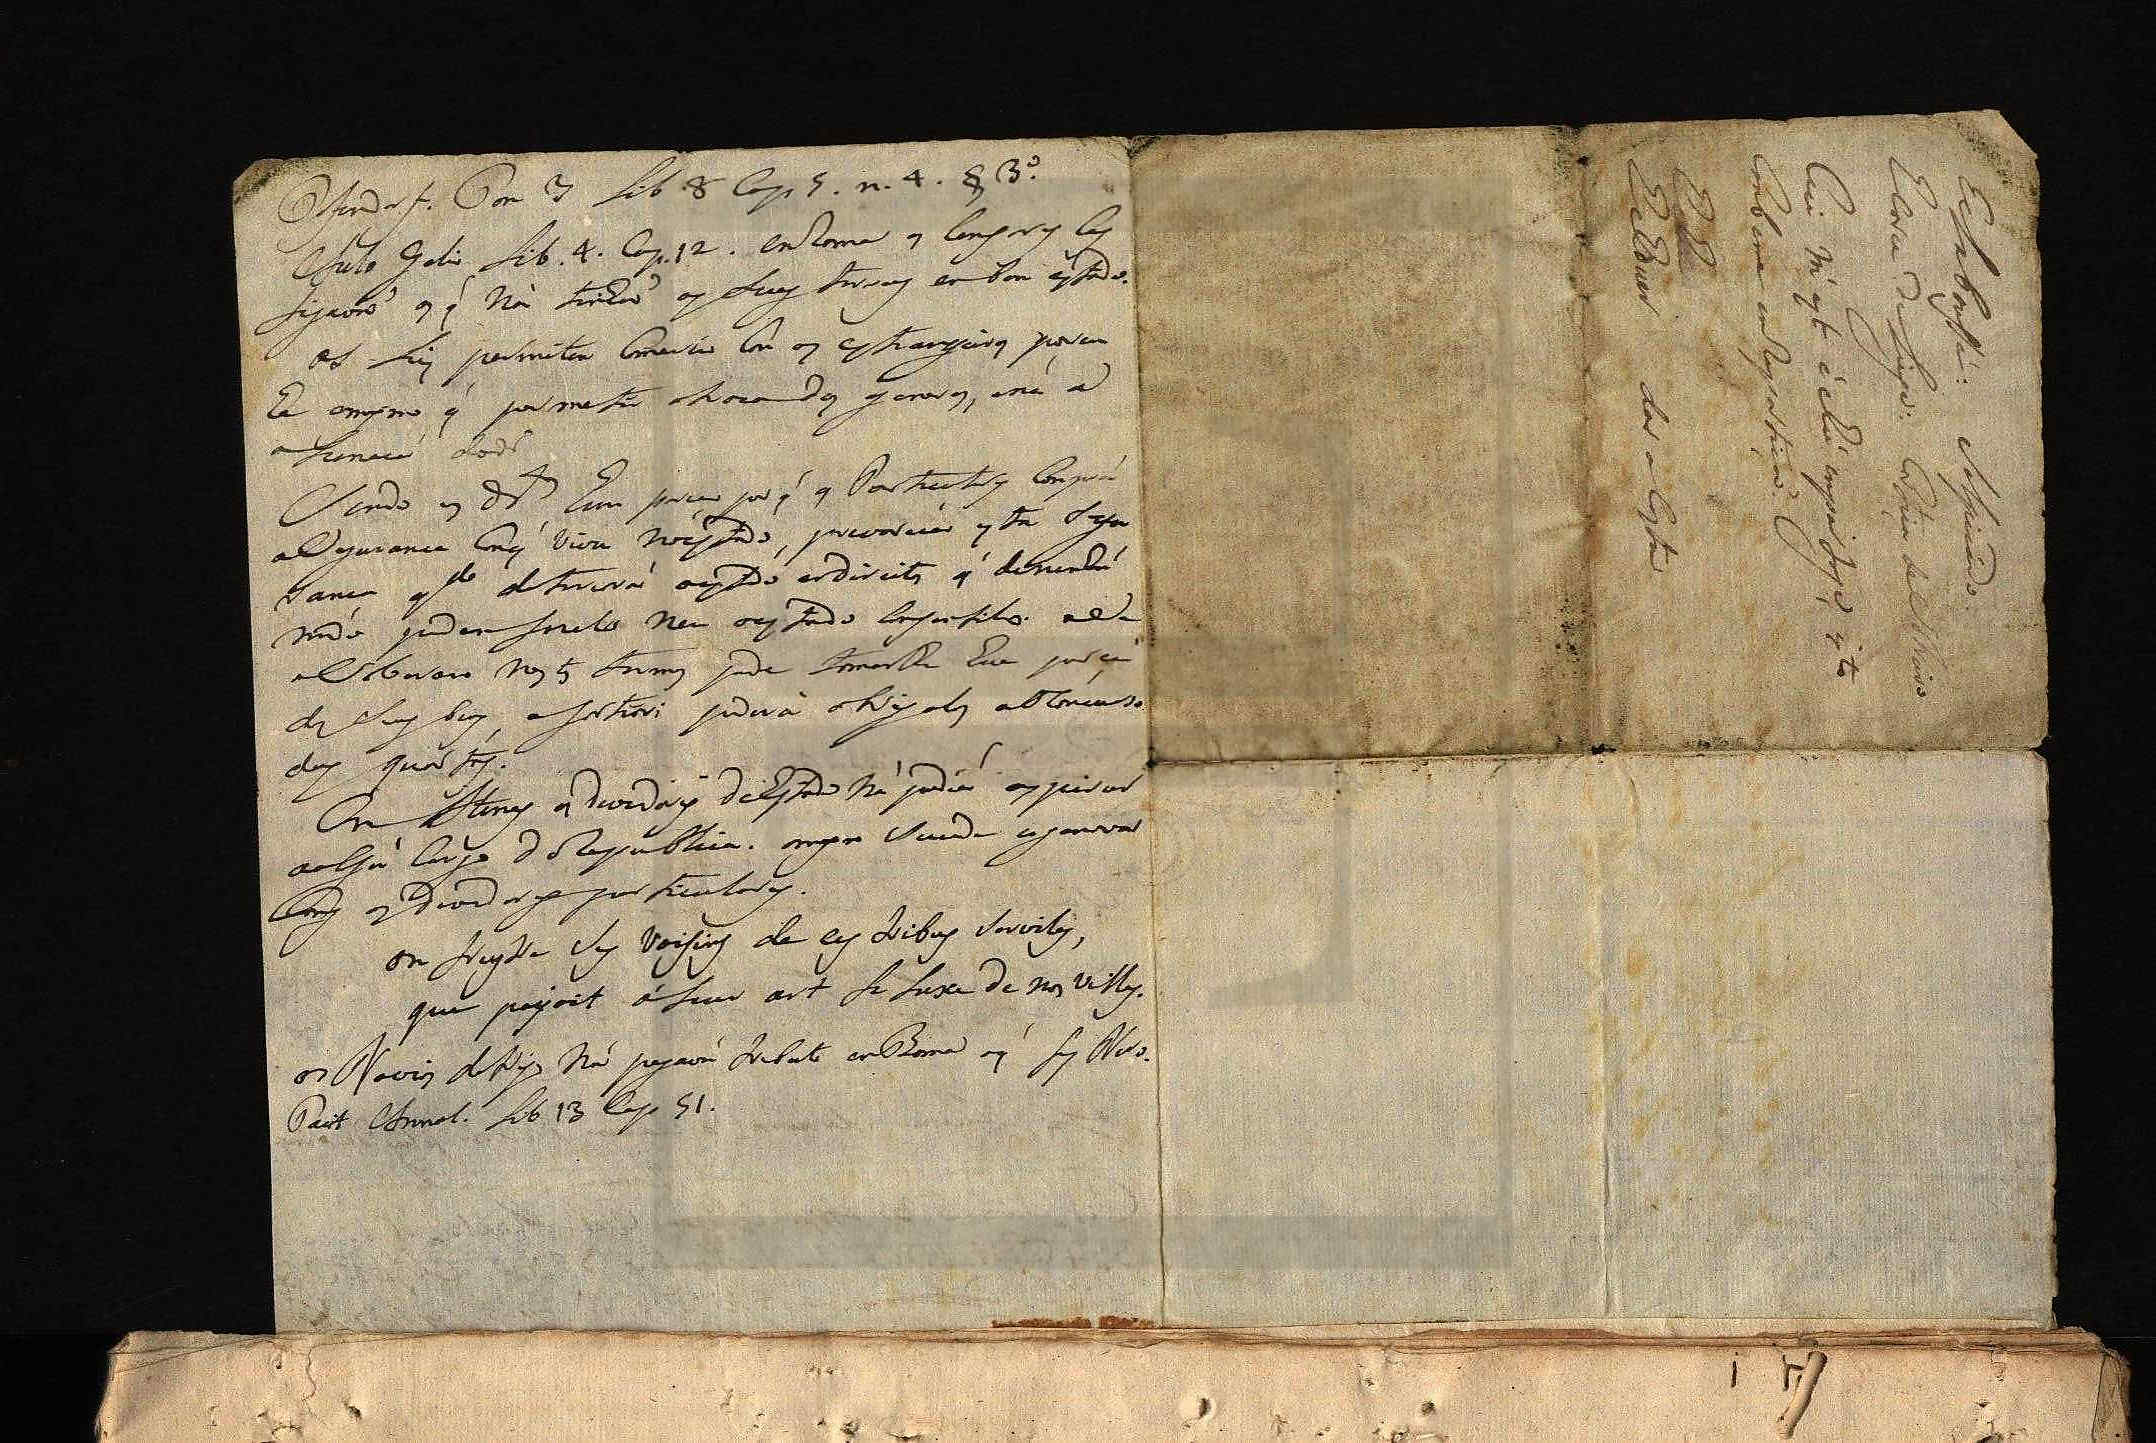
Pofendorf. Par 3 Lib. 8 Cap 5. n. 4. § 3.o
Aulo Galio Lib. 4. Cap. 12. en Roma os Censores Cas
tigavaõ os q̄ nā tinhaõ as suas terras en bom estado.
as Leis parmiten Comercio Con os estrangeiros porem
he o mesmo q̄ permetir a troca dos generos, e nā a
alienaçaõ do dro
Sendo os drtos hua porção por q̄ os Particulares Compraõ
a segurança Com q̄ viven no estado, prevaricaõ esta segu
rança qdo detiveraõ o estado os direitos q̄ de nenhū
modo podem fazelo nem o estado Consentilo: e se
o Soberano nestes termos pode tomarlhe hua porçaõ
dos Seus bens, a fortiori poderá oobrigalos ao concurso
dos quartos.
En Atenas os devedores de Estado nā podiā aspirar
a algū Cargo da Republica. o mesmo sucede en genova
Com os devedores particulares.
on frustra ses voisins de ces tribus Serviles,
que payoit á Leur art Le Luxe de nos villes.
os Navios de trigo nā pagavā tributo en Roma o q̄ fez Nero
Tacit Annal. Lib 13 Cap 51.
